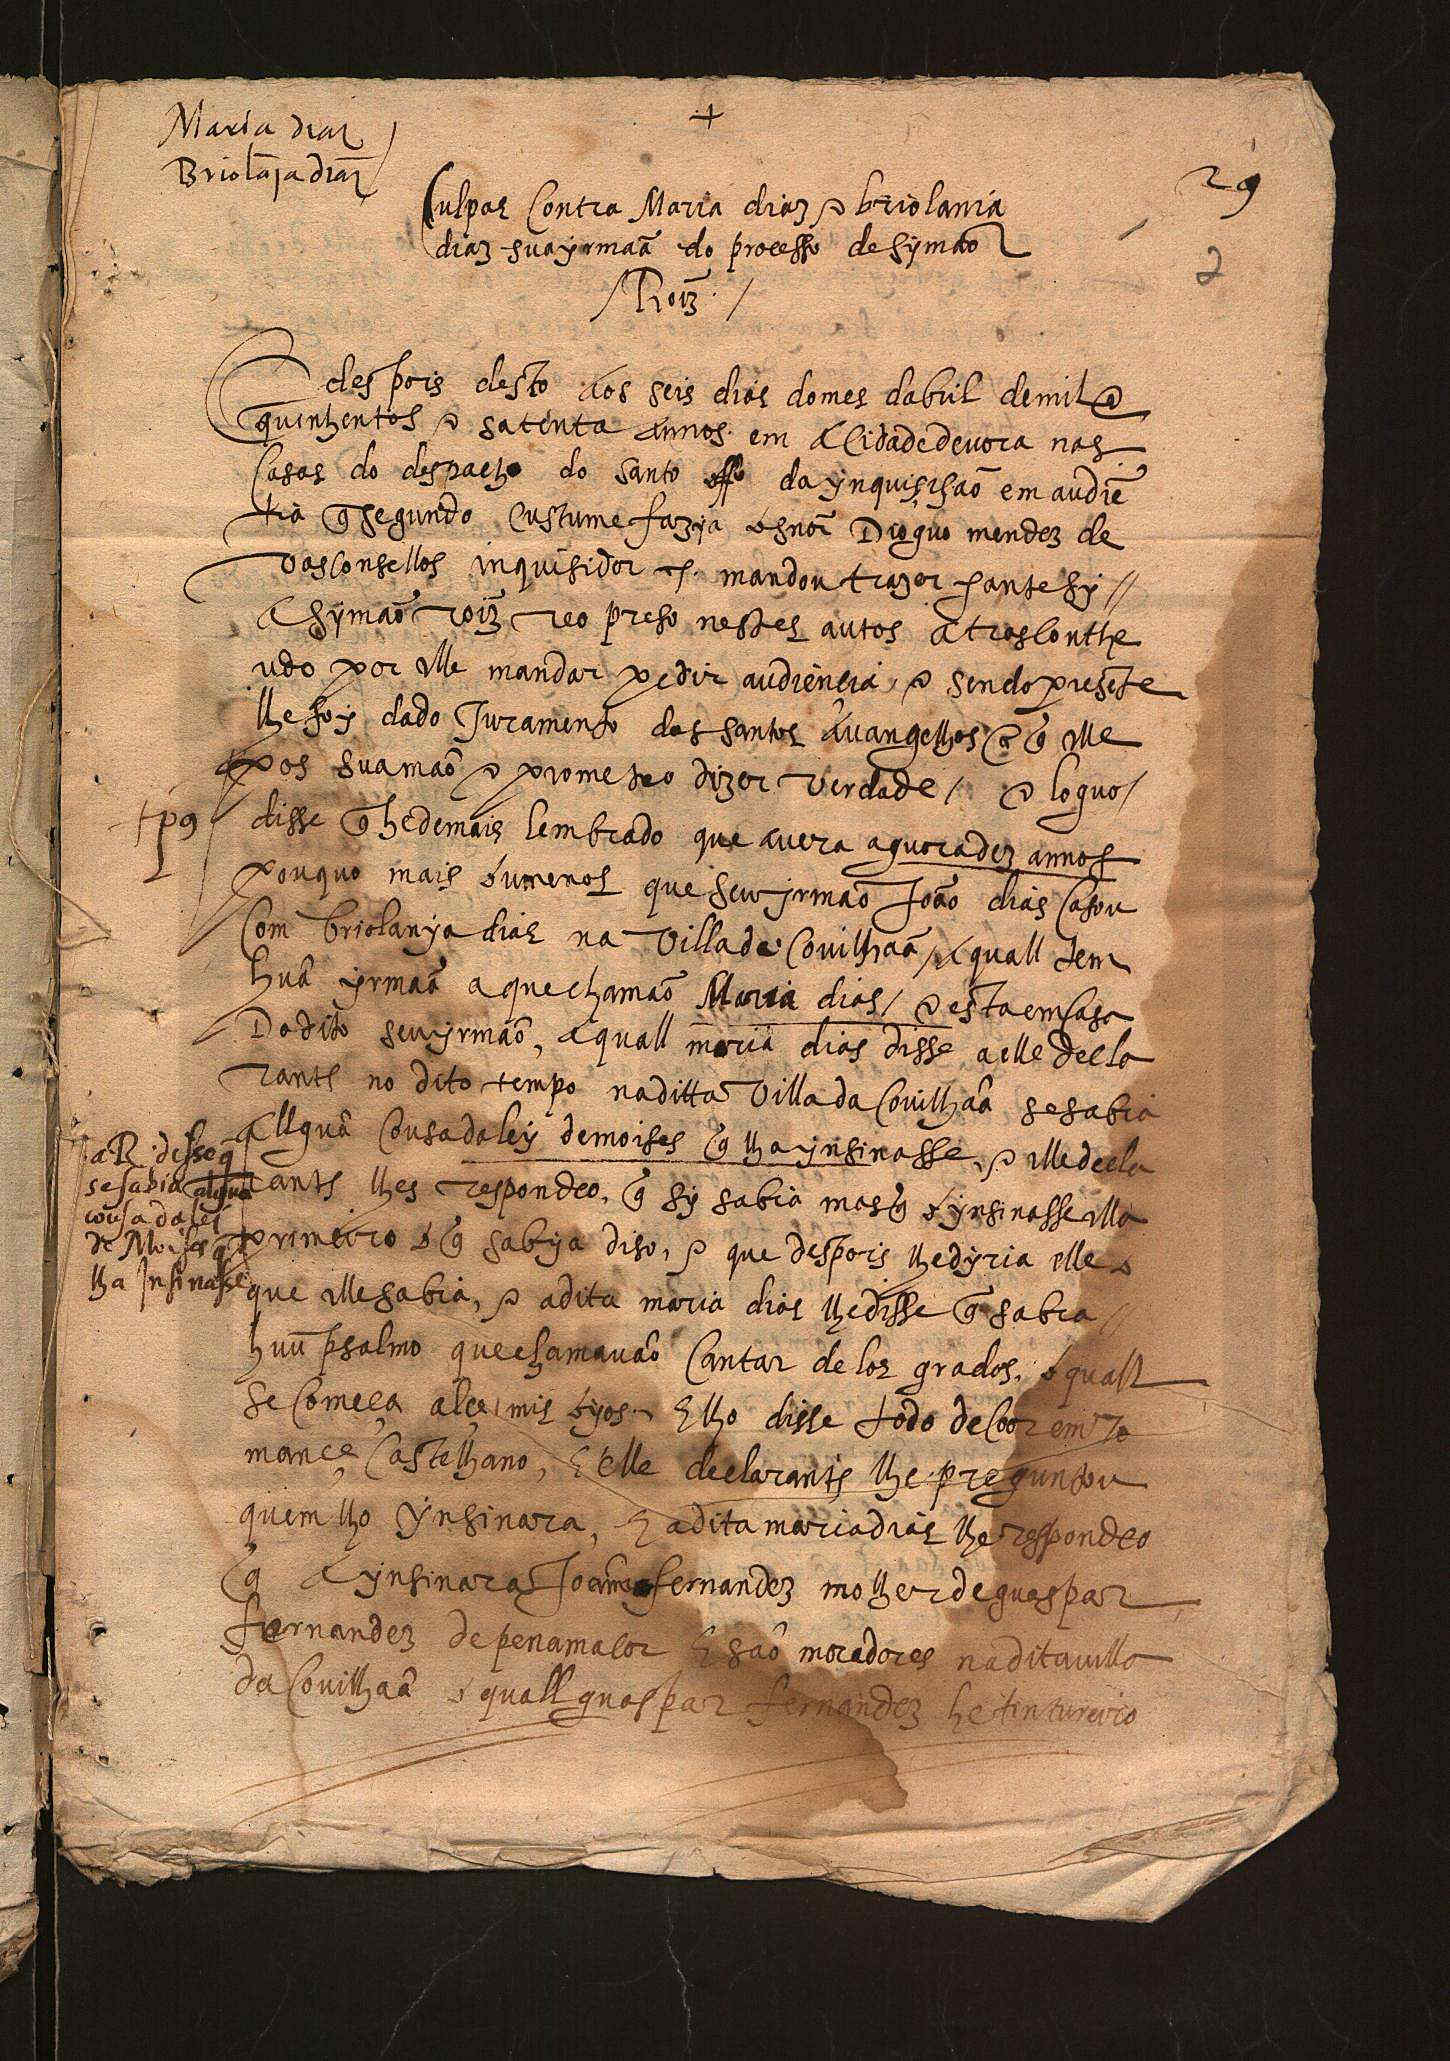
Culpas Contra Maria diaz e briolania
diaz sua yrmaã do processo de symaõ
/ Roīz /
E despois desto aos seis dias do mes dabril de miL e
quinhentos e satenta annos em a Cidade deuora nas
Casas do despacho do Santo offo da ynquisisaõ em audi̅e
tia q̅ segundo custume fazya o sno̅r Dioguo mendez de
vasconsellos inquisidor cꝭ mandou trazer ꝑante sy //
a symaõ roi̅z reo preso nestes autos atras conthe
udo por elle mandar pedir audiençia, e sendo pres̅ete
lhe foy dado Juramento dos santos auangelhos e q̅ elle
pos sua mão e prometeo dizer verdade / e loguo /
disse q̅ he demais lembrado que auera aguora dez annos
pouquo mais ou menos que seu jrmão João dias Casou
Com briolanya diaz na uilla da Couilhaã / a quall tem
huã yrmaã a que chamão Maria dias / e esta em Casa
Do dito seu yrmão, a quall maria dias disse a elle decla
rante no dito tempo na ditta villa da Couilhaã se sabia
allgua̅ Cousa da ley de moises q̅ lha ynsinasse e elle decla
rante lhes respondeo, q̅ sy sabia mas q̅ o ynsinasse ella
primeiro o q̅ sabya diso, e que despois lhe dyria elle o
que elle sabia, e a dita maria dias lhe disse q̅ sabia //
huu̅ psalmo que chamauaõ Cantar de los grados, o qualL
se Começa alçe / mis oyos; E lho disse todo de Coor em ro
mançe Castelhano, E elle declarante lhe preguntou
quem lho ynsinara, E a dita maria diaz lhe respondeo
q̅ a ynsinara Joan̅a fernandez molher de guaspar
fernandez de penamacor E saõ moradores na dita uilla
da Couilhaã o quall guaspar fernandez he tintureiro
